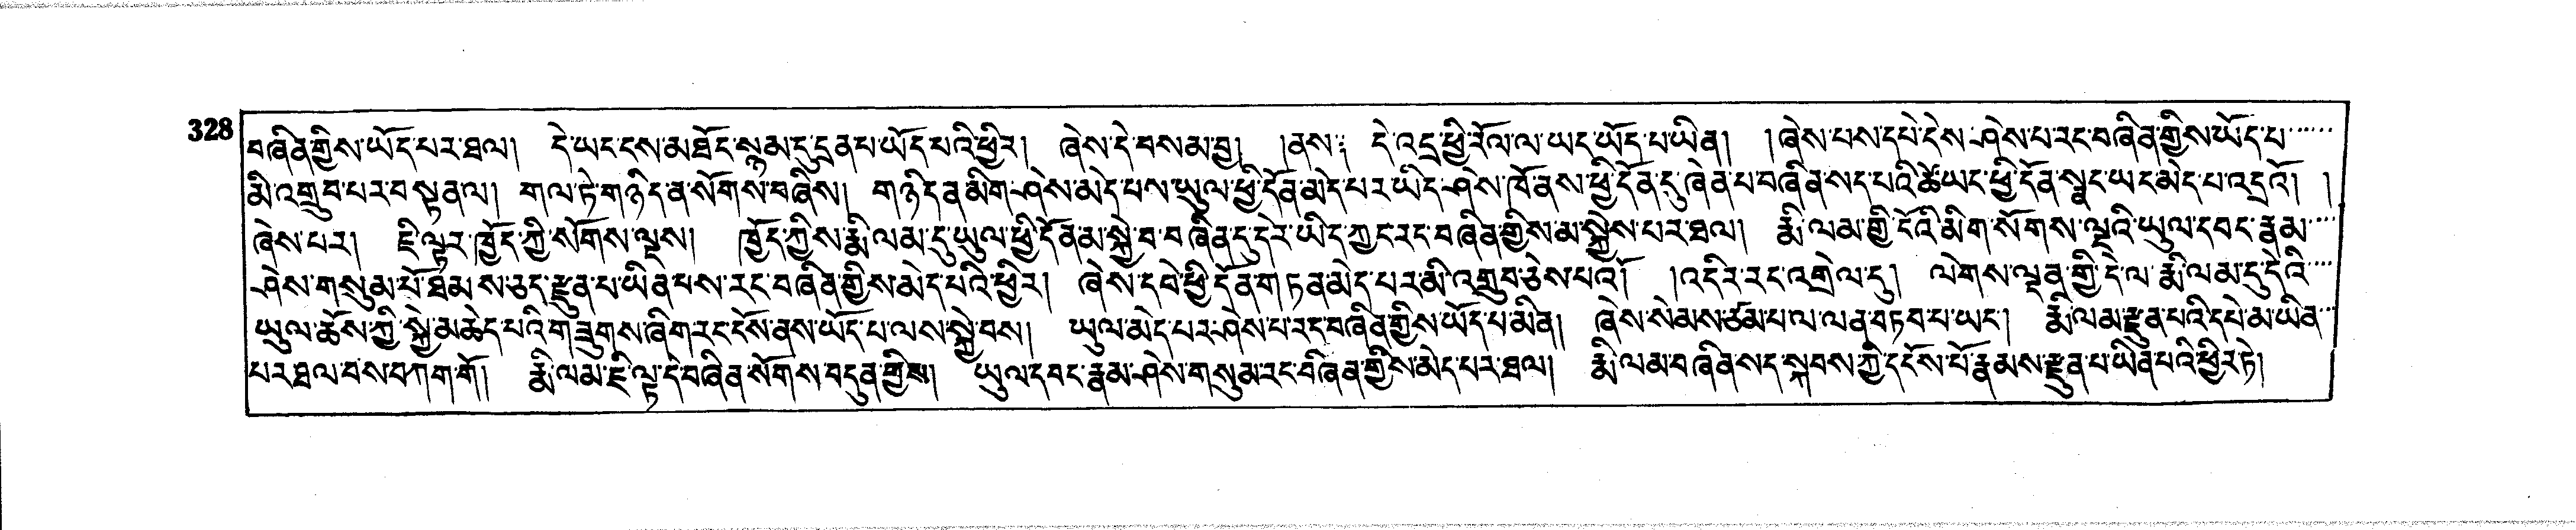བཞིན་གྱིས་ཡོད་པར་ཐལ། དེ་ཡང་ངས་མཐོང་སྙམ་དུ་དྲན་པ་ཡོད་པའི་ཕྱིར། ཞེས་དེ་བསམ་བྱ། །ནས༑ དེ་འདྲ་ཕྱི་རོལ་ལ་ཡང་ཡོད་པ་ཡིན། །ཞེས་པས་དཔེ་དེས་ཤེས་པ་རང་བཞིན་གྱིས་ཡོད་པ་
མི་འགྲུབ་པར་བསྟན་ལ། གལ་ཏེ་གཉིད་ན་སོགས་བཞིས། གཉིད་ན་མིག་ཤེས་མེད་པས་ཡུལ་ཕྱི་དོན་མེད་པར་ཡིད་ཤེས་ཁོ་ནས་ཕྱི་དོན་དུ་ཞེན་པ་བཞིན་སད་པའི་ཚེ་ཡང་ཕྱི་དོན་སྣང་ཡང་མེད་པ་འདྲའོ། །
ཞེས་པར། ཇི་ལྟར་ཁྱོད་ཀྱི་སོགས་ལྔས། ཁྱོད་ཀྱིས་རྨི་ལམ་དུ་ཡུལ་ཕྱི་དོན་མ་སྐྱེ་བ་བཞིན་དུ་དེར་ཡིད་ཀྱང་རང་བཞིན་གྱིས་མ་སྐྱེས་པར་ཐལ། རྨི་ལམ་གྱི་ངོའི་མིག་སོགས་ལྔའི་ཡུལ་དབང་རྣམ་
ཤེས་གསུམ་པོ་ཐམས་ཅད་རྫུན་པ་ཡིན་པས་རང་བཞིན་གྱིས་མེད་པའི་ཕྱིར། ཞེས་དཔེ་ཕྱི་དོན་གཏན་མེད་པར་མི་འགྲུབ་ཅེས་པའོ། །འདིར་རང་འགྲེལ་དུ། ལེགས་ལྡན་གྱི་དེ་ལ་རྨི་ལམ་དུ་དེའི་
ཡུལ་ཆོས་ཀྱི་སྐྱེ་མཆེད་པའི་གཟུགས་ཞིག་རང་ངོས་ནས་ཡོད་པ་ལས་སྐྱེ་བས། ཡུལ་མེད་པར་ཤེས་པ་རང་བཞིན་གྱིས་ཡོད་པ་མིན། ཞེས་སེམས་ཙམ་པ་ལ་ལན་བཏབ་པ་ཡང་། རྨི་ལམ་རྫུན་པའི་དཔེ་མ་ཡིན་
པར་ཐལ་བས་བཀག་གོ །རྨི་ལམ་ཇི་ལྟ་དེ་བཞིན་སོགས་བདུན་གྱིས། ཡུལ་དབང་རྣམ་ཤེས་གསུམ་རང་བཞིན་གྱིས་མེད་པར་ཐལ། རྨི་ལམ་བཞིན་སད་སྐབས་ཀྱི་དངོས་པོ་རྣམས་རྫུན་པ་ཡིན་པའི་ཕྱིར་ཏེ།